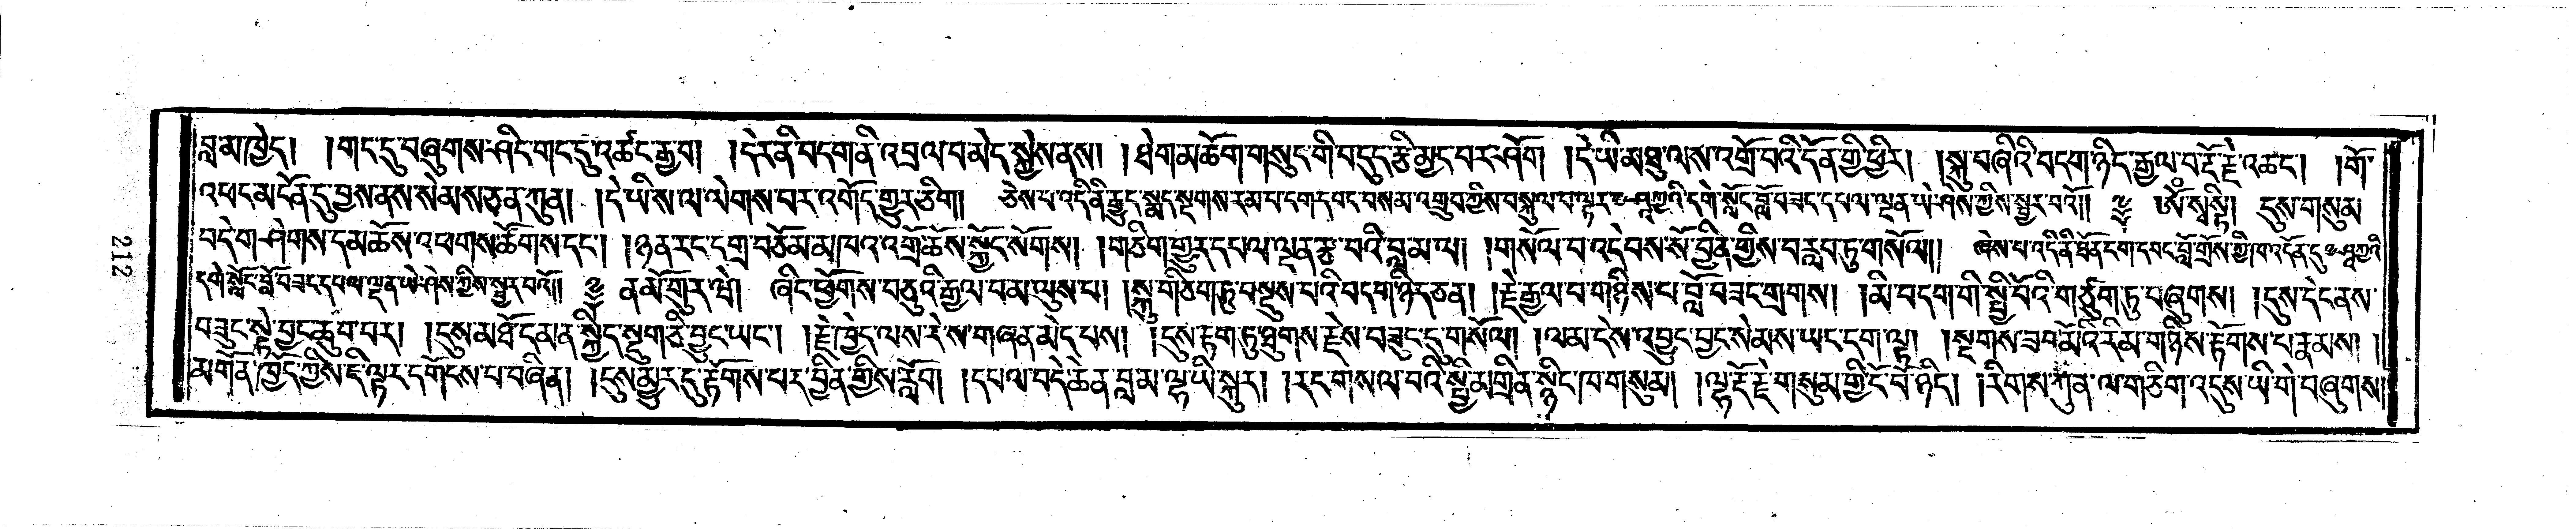བླ་མ་ཁྱེད། །གང་དུ་བཞུགས་ཤིང་གང་དུ་འཚང་རྒྱ་བ། །དེར་ནི་བདག་ནི་འབྲལ་བ་མེད་སྐྱེས་ནས། །ཐེག་མཆོག་གསུང་གི་བདུད་རྩི་མྱང་བར་ཤོག །དེ་ཡི་མཐུ་ལས་འགྲོ་བའི་དོན་གྱི་ཕྱིར། །སྐུ་བཞིའི་བདག་ཉིད་རྒྱལ་བ་རྡོ་རྗེ་འཆང་། །གོ་
འཕང་མངོན་དུ་བྱས་ནས་སེམས་ཅན་ཀུན། །དེ་ཡིས་ས་ལ་ལེགས་པར་འགོད་གྱུར་ཅིག། ཅེས་པ་འདི་ནི་རྒྱུད་སྨད་སྔགས་རམ་པ་ངག་དབང་བསམ་འགྲུབ་ཀྱིས་བསྐུལ་བ་ལྟར་༧་ཤཱཀྱའི་དགེ་སློང་བློ་བཟང་དཔལ་ལྡན་ཡེ་ཤེས་ཀྱིས་སྦྱར་བའོ།། ༈ ཨོཾ་སྭ་སྟི། དུས་གསུམ་
བདེ་གཤེགས་དམ་ཆོས་འཕགས་ཚོགས་དང་། །ཉན་རང་དགྲ་བཅོམ་མཁའ་འགྲོ་ཆོས་སྐྱོང་སོགས། །གཅིག་གྱུར་དཔལ་ལྡན་རྩ་བའི་བླ་མ་ལ། །གསོལ་བ་འདེབས་སོ་བྱིན་གྱིས་བརླབ་ཏུ་གསོལ། ཞེས་པ་འདི་ནི་ཐོན་ངག་དབང་བློ་གྲོས་ཀྱི་ཁ་འདོན་དུ་༧་ཤཱཀྱའི་
དགེ་སློང་བློ་བཟང་དཔལ་ལྡན་ཡེ་ཤེས་ཀྱིས་སྦྱར་བའོ།། ༈ ན་མོ་གུར་ཝེ། ཞིང་ཕྱོགས་བཅུའི་རྒྱལ་བ་མ་ལུས་པ། །སྐུ་གཅིག་ཏུ་བསྡུས་པའི་བདག་ཉིད་ཅན། །རྗེ་རྒྱལ་བ་གཉིས་པ་བློ་བཟང་གྲགས། །མི་བདག་གི་སྤྱི་བོའི་གཙུག་ཏུ་བཞུགས། །དུས་དེང་ནས་
བཟུང་སྟེ་བྱང་ཆུབ་པར། །དུས་མཐོ་དམན་སྐྱིད་སྡུག་ཅི་བྱུང་ཡང་། །རྗེ་ཁྱེད་ལས་རེ་ས་གཞན་མེད་པས། །དུས་རྟག་ཏུ་ཐུགས་རྗེས་བཟུང་དུ་གསོལ། །ལམ་དེས་འབྱུང་བྱང་སེམས་ཡང་དག་ལྟ། །སྔགས་ཟབ་མོའི་རིམ་གཉིས་རྟོགས་པ་རྣམས། །
མགོན་ཁྱོད་ཀྱིས་ཇི་ལྟར་དགོངས་པ་བཞིན། །དུས་མྱུར་དུ་རྟོགས་པར་བྱིན་གྱིས་རློབ། །དཔལ་བདེ་ཆེན་བླ་མ་ལྷ་ཡི་སྐུར། །རང་གསལ་བའི་སྤྱི་མགྲིན་སྙིང་ཁ་གསུམ། །ལྷ་རྡོ་རྗེ་གསུམ་གྱི་ངོ་བོ་ཉིད། །རིགས་ཀུན་ལ་གཅིག་འདུས་ཡི་གེ་བཞུགས་